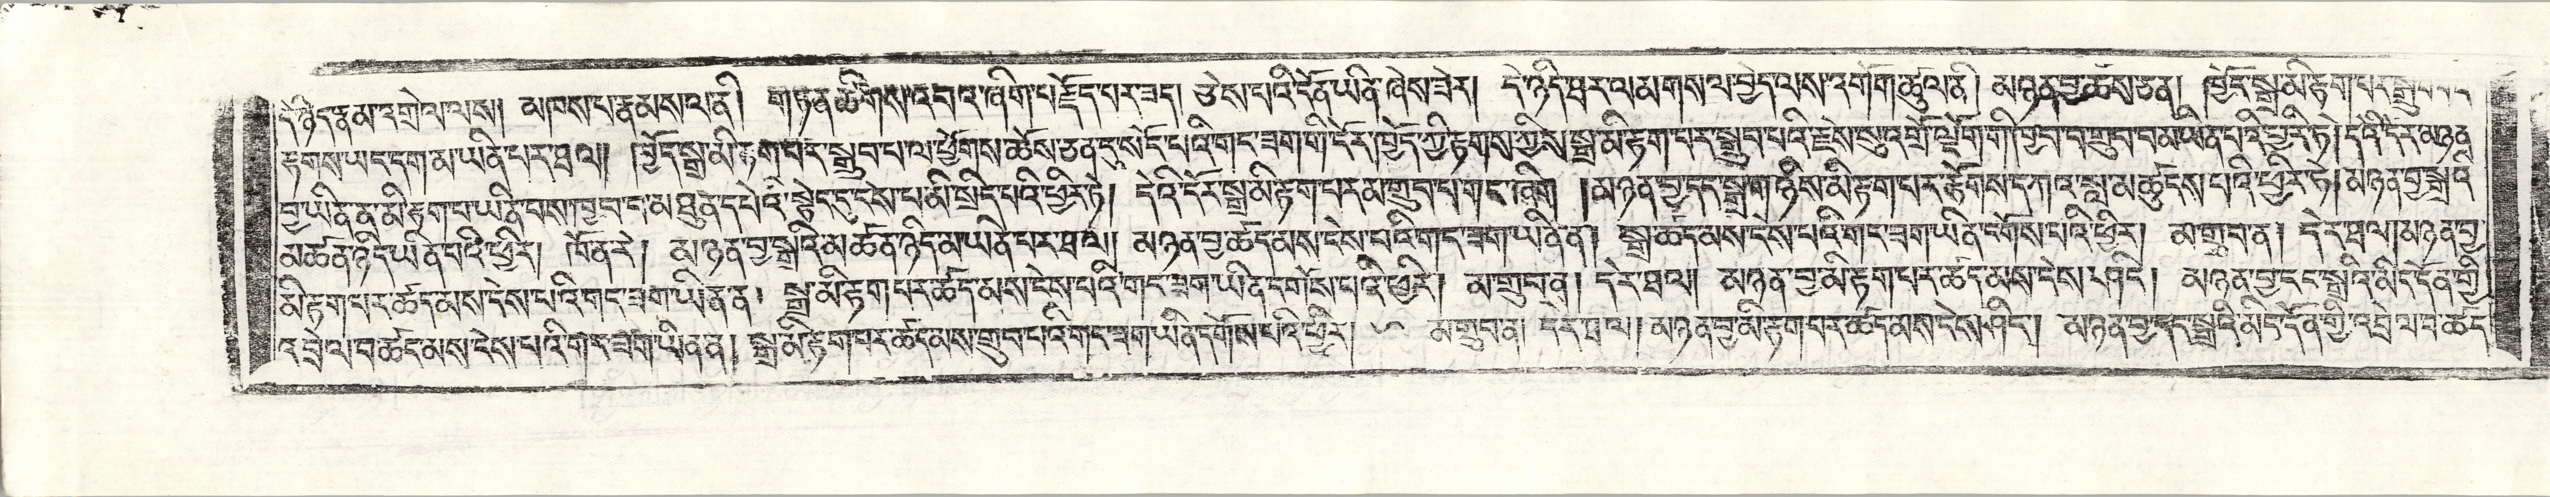དེ་ཉིད་རྣམ་འགྲེལ་ལས། མཁས་པ་རྣམས་ལ་ནི། གཏན་ཚིགས་འབའ་ཞིག་བ་རྗོད་པར་ཟད། ཅེས་པའི་དོན་ཡིན་ཞེས་ཟེར། དེ་ཉིད་ཐར་ལམ་གསལ་བྱེད་ལས་འགོག་ཚུལ་ནི། མཉན་བྱ་ཆོས་ཅན། ཁྱོད་སྒྲ་མི་རྟག་པར་སྒྲུབ་པའི་
རྟགས་ཡང་དག་མ་ཡིན་པར་ཐལ། ཁྱོད་སྒྲ་མི་རྟག་པར་སྒྲུབ་པ་ལ་ཕྱོགས་ཆོས་ཅན་དུ་སོང་བའི་གང་ཟག་གི་ངོར་ཁྱོད་ཀྱི་རྟགས་ཀྱིས་སྒྲ་མི་རྟག་པར་སྒྲུབ་པའི་རྗེས་སུ་འགྲོ་ལྡོག་གི་ཁྱབ་པ་གྲུབ་པ་མ་ཡིན་པའི་ཕྱིར་ཏེ། དེའི་དོར་མཉན་
བྱ་ཡིན་ན་མི་རྟག་པ་ཡིན་པས་ཁྱབ་པ་མཐུན་དཔེའི་སྟེང་དུ་ངེས་པ་མི་སྲིད་པའི་ཕྱིར་ཏེ། དེའི་ངོར་སྒྲ་མི་རྟག་པར་མ་གྲུབ་པ་གང་ཞིག །མཉན་བྱ་དང་སྒྲ་གཉིས་མི་རྟག་པར་རྟོགས་དཀའ་སླ་མཚུངས་པའི་ཕྱིར་ཏེ། མཉན་བྱ་སྒྲའི་
མཚན་ཉིད་ཡིན་པའི་ཕྱིར། ཁོ་ན་རེ། མཉན་བྱ་སྒྲའི་མཚན་ཉིད་མ་ཡིན་པར་ཐལ། མཉན་བྱ་ཚད་མས་ངེས་པའི་གང་ཟག་ཡིན་ན། སྒྲ་ཚད་མས་ངེས་པའི་གང་ཟག་ཡིན་དགོས་པའི་ཕྱིར། མ་གྲུབ་ན། དེར་ཐལ། མཉན་བྱ་
མི་རྟག་པར་ཚད་མས་ངེས་པའི་གང་ཟག་ཡིན་ན། སྒྲ་མི་རྟག་པར་ཚད་མས་ངེས་པའི་གང་ཟག་ཡིན་དགོས་པའི་ཕྱིར། མ་གྲུབ་ན། དེར་ཐལ། མཉན་བྱ་མི་རྟག་པར་ཚད་མས་ངེས་ཤིང་། མཉམ་བྱ་དང་སྒྲའི་མིང་དོན་གྱི་
འབྲེལ་བ་ཚད་མས་ངེས་པའི་གང་ཟག་ཡིན་ན། སྒྲ་མི་རྟག་པར་ཚད་མས་གྲུབ་པའི་གང་ཟག་ཡིན་དགོས་པའི་ཕྱིར། མ་གྲུབ་ན། དེར་ཐལ། མཉན་བྱ་མི་རྟག་པར་ཚད་མས་ངེས་ཤིང་། མཉན་བྱ་དང་སྒྲའི་མིང་དོན་གྱི་འབྲེལ་བ་ཚད་